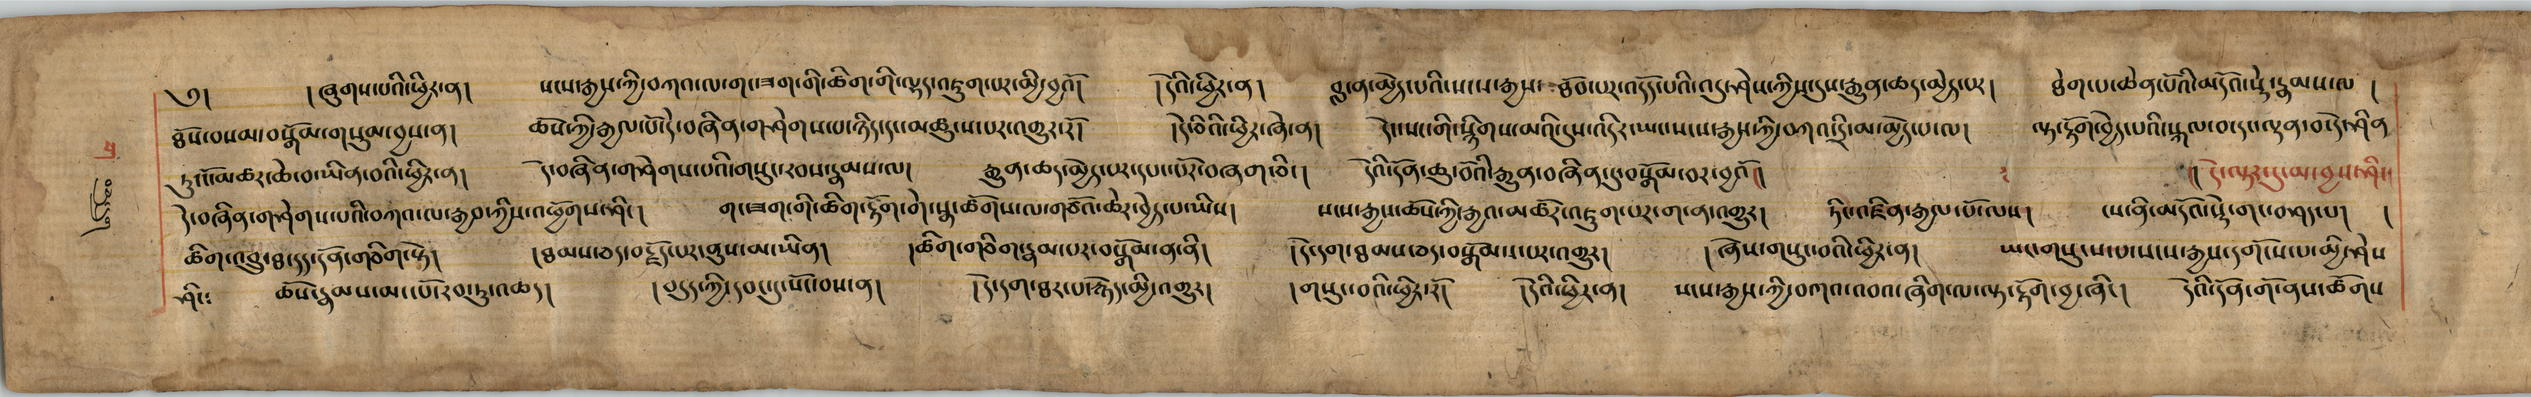༅། །ཞུགས་པའི་ཕྱིར་ན། སངས་རྒྱས་ཀྱི་བཀའ་ལ་གང་ཟག་གི་ཚིག་གི་ལྷད་འཇུག་པར་མྱི་བྱའོ། །དེའི་ཕྱིར་ན། བླ་ན་མྱེད་པའི་སངས་རྒྱས་ ཐོབ་པར་འདོད་པའི་འདུ་ཤེས་ཀྱིས་དུས་རྒྱུན་ཆད་མྱེད་པར། ཐེག་པ་ཆེན་པོའི་མདོའ་སྡེ་རྣམས་ལ །
ཐོས་བསམ་བསྒོམ་གསུམ་བྱས་ན། ཆོས་ཀྱི་རྒྱལ་པོ་དེ་བཞིན་གཤེགས་པ་ཉིད་དང་མཚུངས་པར་འགྱུར་རོ། །དེ་ཅིའི་ཕྱིར་ཞེ་ན། དེང་སང་གི་སྙིགས་མའི་དུས་འདིར་ཡང་སངས་རྒྱས་ཀྱི་བཀའ་དྲི་མ་མྱེད་པ་ལ། ལྟ་རྟོག་བྱེད་པའི་སྐལ་བ་དང་ལྡན་བ་དེ་ཤིན
ཏུ་ངོ་མཚར་ཆེ་བ་ཡིན་བའི་ཕྱིར་ན། དེ་བཞིན་གཤེགས་པའི་གསུང་རབས་རྣམས་ལ། རྒྱུན་ཆད་མྱེད་པར་དཔང་པོར་བཞག་ཅིང། དེའི་དོན་ཆུ་བོའི་རྒྱུན་བཞིན་དུ་བསྒོམ་བར་བྱའོ།། །། དེ་ལྟར་དུ་མ་བྱས་ཤིང་
དེ་བཞིན་གཤེགས་པའི་བཀའ་ལ་རྒྱབ་ཀྱིས་འཕྱོགས་ཤིང། གང་ཟག་གི་ཚིག་རྟོག་གེ་སྣ་ཚོགས་ལ་གཙོའ་ཆེར་བྱེད་པ་ཡིས། སངས་རྒྱས་ཆོས་ཀྱི་རྒྱའ་མཚོར་འཇུག་པར་ག་ན་འགྱུར། ཏིང་འཛིན་རྒྱལ་པོ་ལས། ངས་ནི་མདོའ་སྡེ་གང་བཤད་པ།
ཚིག་འབྲུ་ཐ་དད་དོན་གཅིག་སྟེ། །ཐམས་ཅད་བརྗོད་པར་ནུས་མ་ཡིན། །ཚིག་གཅིག་རྣམ་པར་བསྒོམ་ན་ནི། །དེ་དག་ཐམས་ཅད་བསྒོམས་པར་འགྱུར། །ཞེས་གསུང་བའི་ཕྱིར་ན། ཡང་གསུངས་པ་སངས་རྒྱས་དགོངས་པ་མྱི་ཤེས
ཤིང: ཆོས་རྣམས་མང་པོ་རབ་ཏུ་འཆད། །བདུད་ཀྱི་དབང་དུ་སོང་བས་ན། །དེ་དག་ཐར་པ་རྙེད་མྱི་འགྱུར། །གསུང་བའི་ཕྱིར་རོ། །དེའི་ཕྱིར་ན། སངས་རྒྱས་ཀྱི་བཀའ་འབའ་ཞིག་ལ་ལྟ་རྟོག་བྱ་ཞིང། དེའི་དོན་གོ་ནས་ཚོགས